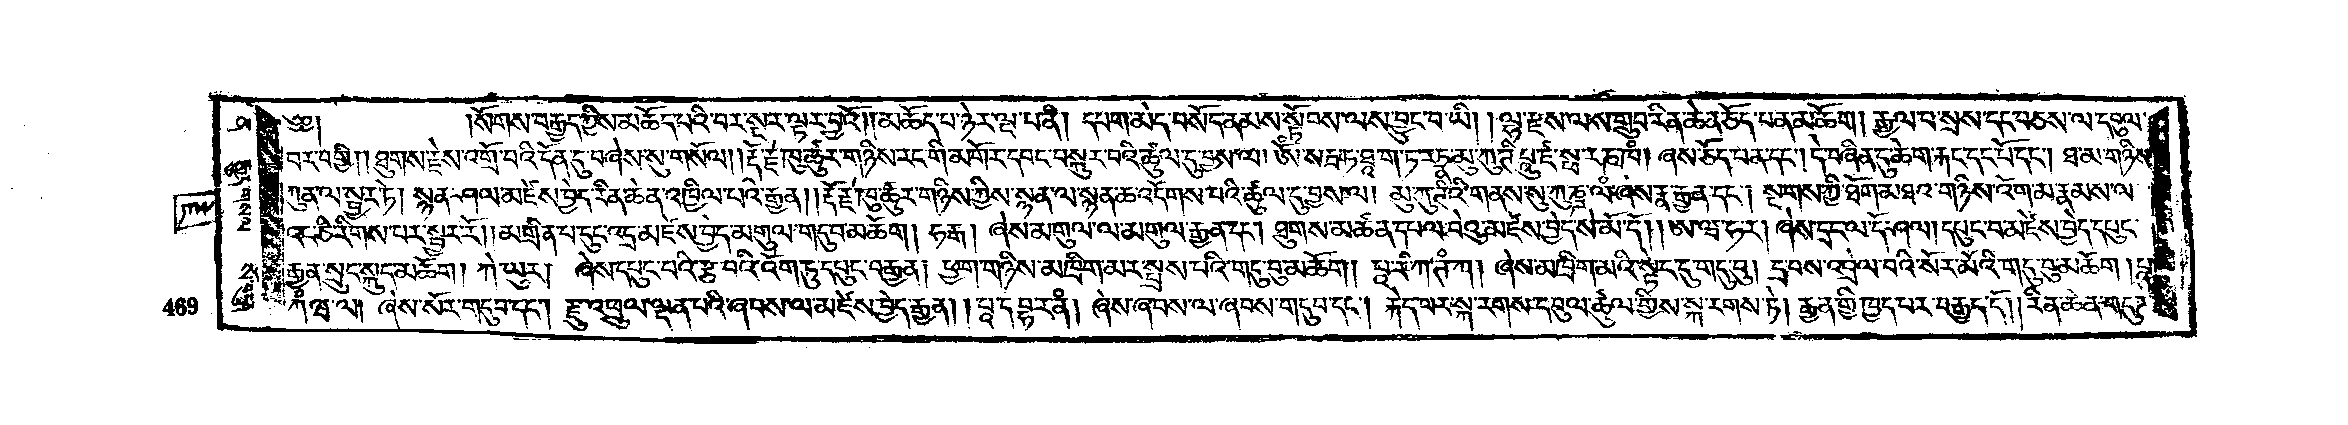༄༅། །སོགས་བརྒྱད་ཀྱིས་མཆོད་པའི་བར་སྔར་ལྟར་བྱའོ། །མཆོད་པ་ཉེར་ལྔ་པ་ནི། དཔག་མེད་བསོད་ནམས་སྟོབས་ལས་བྱུང་བ་ཡི། །ལྷ་རྫས་ལས་གྲུབ་རིན་ཆེན་ཅོད་པན་མཆོག །རྒྱལ་བ་སྲས་དང་བཅས་ལ་དབུལ་
བར་བགྱི། །ཐུགས་རྗེས་འགྲོ་བའི་དོན་དུ་བཞེས་སུ་གསོལ། །རྡོ་རྗེ་ཁུ་ཚུར་གཉིས་རང་གི་མགོར་དབང་བསྐུར་བའི་ཚུལ་དུ་བྱས་ལ། ཨོཾ་སརྦ་ཏ་ཐཱ་ག་ཏ་རཏྣ་མུ་ཀུ་ཊི་པཱུ་ཛ་སྤ་ར་ཎ་ཁཾ། ཞེས་ཅོད་པན་དང་། དེ་བཞིན་དུ་ཚིག་རྐང་དང་པོ་དང་། ཐ་མ་གཉིས་
ཀུན་ལ་སྦྱར་ཏེ། སྙན་ཤལ་མཛེས་བྱེད་རིན་ཆེན་འཁྱིལ་པའི་རྒྱན། །རྡོ་རྗེ་ཁུ་ཚུར་གཉིས་ཀྱིས་སྙན་ལ་སྙན་ཆ་འདོགས་པའི་ཚུལ་དུ་བྱས་ལ། མུ་ཀུ་ཊིའི་གནས་སུ་ཀུཎྜ་ལཾ་ཞེས་རྣ་རྒྱན་དང་། སྔགས་ཀྱི་ཐོག་མཐའ་གཉིས་འོག་མ་རྣམས་ལ་
འང་ཅི་རིགས་པར་སྦྱར་རོ། །མགྲིན་པ་དུང་འདྲ་མཛེས་བྱེད་མགུལ་གདུབ་མཆོག །ཧ་རྒ། ཞེས་མགུལ་ལ་མགུལ་རྒྱན་དང་། ཐུགས་མཚན་དཔལ་བེའུ་མཛེས་བྱེད་སེ་མོ་དོ། །ཨ་ཝ་ཧ་ར། ཞེས་དྲང་ལ་དོ་ཤལ། དཔུང་བ་མཛེས་བྱེད་དཔུང་
རྒྱན་སྲུང་སྐུད་མཆོག །ཀེ་ཡུར། ཞེས་དཔུང་པའི་རྩ་བའི་འོག་ཏུ་དཔུང་བརྒྱན། ཕྱག་གཉིས་མཁྲིག་མར་སྤྲས་པའི་གདུ་བུ་མཆོག །པཱ་རི་ཀ་ཊཾ་ཀ། ཞེས་མཁྲིག་མའི་སྟེང་དུ་གདུ་བུ། དྲ་བས་འབྲེལ་བའི་སོར་མོའི་གདུ་བུ་མཆོག །པཱ་
ཀཾ་ཝ་ལ། ཞེས་སོར་གདུ་བ་དང་། རྫུ་འཕྲུལ་ལྡན་པའི་ཞབས་ལ་མཛེས་བྱེད་རྒྱན། །པཱ་ད་བྷ་ར་ནཾ། ཞེས་ཞབས་ལ་ཞབས་གདུབ་དང་། རྐེད་པར་སྐ་རགས་དབུལ་ཚུལ་གྱིས་སྐ་རགས་ཏེ། རྒྱན་གྱི་ཁྱད་པར་བརྒྱད་དོ། །རིན་ཆེན་གདུཌ་